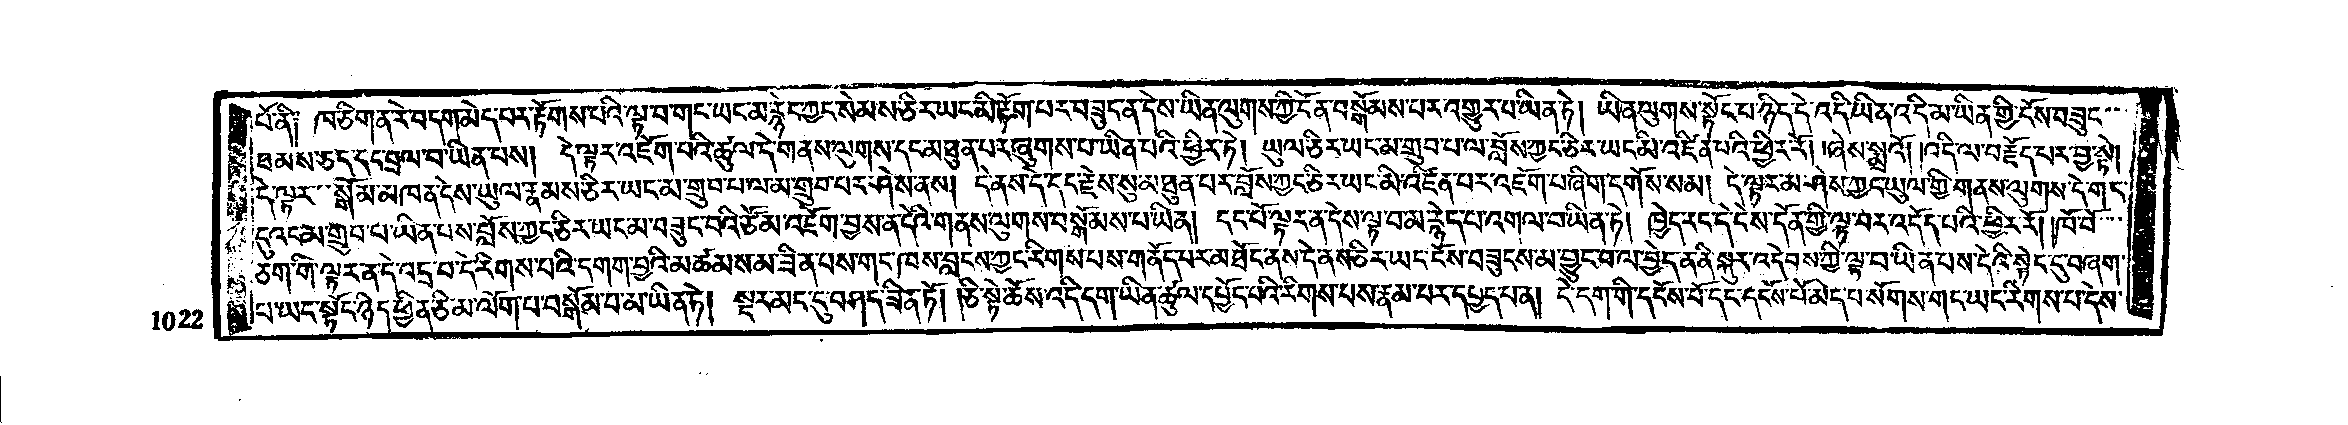པོ་ནི༑ ཁ་ཅིག་ན་རེ་བདག་མེད་པར་རྟོགས་པའི་ལྟ་བ་གང་ཡང་མ་རྙེད་ཀྱང་སེམས་ཅིར་ཡང་མི་རྟོག་པར་བཟུང་ན་དེས་ཡིན་ལུགས་ཀྱི་དོན་བསྒོམས་པར་འགྱུར་བ་ཡིན་ཏེ། ཡིན་ལུགས་སྟོང་པ་ཉིད་དེ་འདི་ཡིན་འདི་མ་ཡིན་གྱི་ངོས་བཟུང་
ཐམས་ཅད་དང་བྲལ་བ་ཡིན་པས། དེ་ལྟར་འཇོག་པའི་ཚུལ་དེ་གནས་ལུགས་དང་མཐུན་པར་ཞུགས་པ་ཡིན་པའི་ཕྱིར་ཏེ། ཡུལ་ཅིར་ཡང་མ་གྲུབ་པ་ལ་བློས་ཀྱང་ཅིར་ཡང་མི་འཛིན་པའི་ཕྱིར་རོ། །ཞེས་སྨྲའོ། །འདི་ལ་བརྗོད་པར་བྱ་སྟེ།
དེ་ལྟར་བསྒོམ་མཁན་དེས་ཡུལ་རྣམས་ཅིར་ཡང་མ་གྲུབ་པ་ལ་མ་གྲུབ་པར་ཤེས་ནས། དེ་ནས་དེ་དང་རྗེས་སུ་མཐུན་པར་བློས་ཀྱང་ཅིར་ཡང་མི་འཛིན་པར་འཇོག་པ་ཞིག་དགོས་སམ། དེ་ལྟར་མ་ཤེས་ཀྱང་ཡུལ་གྱི་གནས་ལུགས་དེ་གང་
དུའང་མ་གྲུབ་པ་ཡིན་པས་བློས་ཀྱང་ཅིར་ཡང་མ་བཟུང་བའི་ཙོམ་འཇོག་བྱས་ན་དེའི་གནས་ལུགས་བསྒོམས་པ་ཡིན། དང་པོ་ལྟར་ན་དེས་ལྟ་བ་མ་རྙེད་པ་འགལ་བ་ཡིན་ཏེ། ཁྱེད་རང་དེ་ངེས་དོན་གྱི་ལྟ་བར་འདོད་པའི་ཕྱིར་རོ། །ཁོ་བོ་
ཅག་གི་ལྟར་ན་དེ་འདྲ་བ་དེ་རིགས་པའི་དགག་བྱའི་མཚམས་མ་ཟིན་པས་གང་ཁས་བླངས་ཀྱང་རིགས་པས་གནོད་པར་མཐོང་ནས་དེ་ནས་ཅིར་ཡང་ངོས་བཟུངས་མ་བྱུང་བ་ལ་བྱེད་ན་ནི་སྐུར་འདེབས་ཀྱི་ལྟ་བ་ཡིན་པས་དེའི་སྟེང་དུ་བཞག་
པ་ཡང་སྟོང་ཉིད་ཕྱིན་ཅི་མ་ལོག་པ་བསྒོམ་པ་མ་ཡིན་ཏེ། སྔར་མང་དུ་བཤད་ཟིན་ཏོ། །ཅི་སྟེ་ཆོས་འདི་དག་ཡིན་ཚུལ་དཔྱོད་པའི་རིགས་པས་རྣམ་པར་དཔྱད་པ་ན། དེ་དག་གི་དངོས་པོ་དང་དངོས་པོ་མེད་པ་སོགས་གང་ཡང་རིགས་པ་དེས་